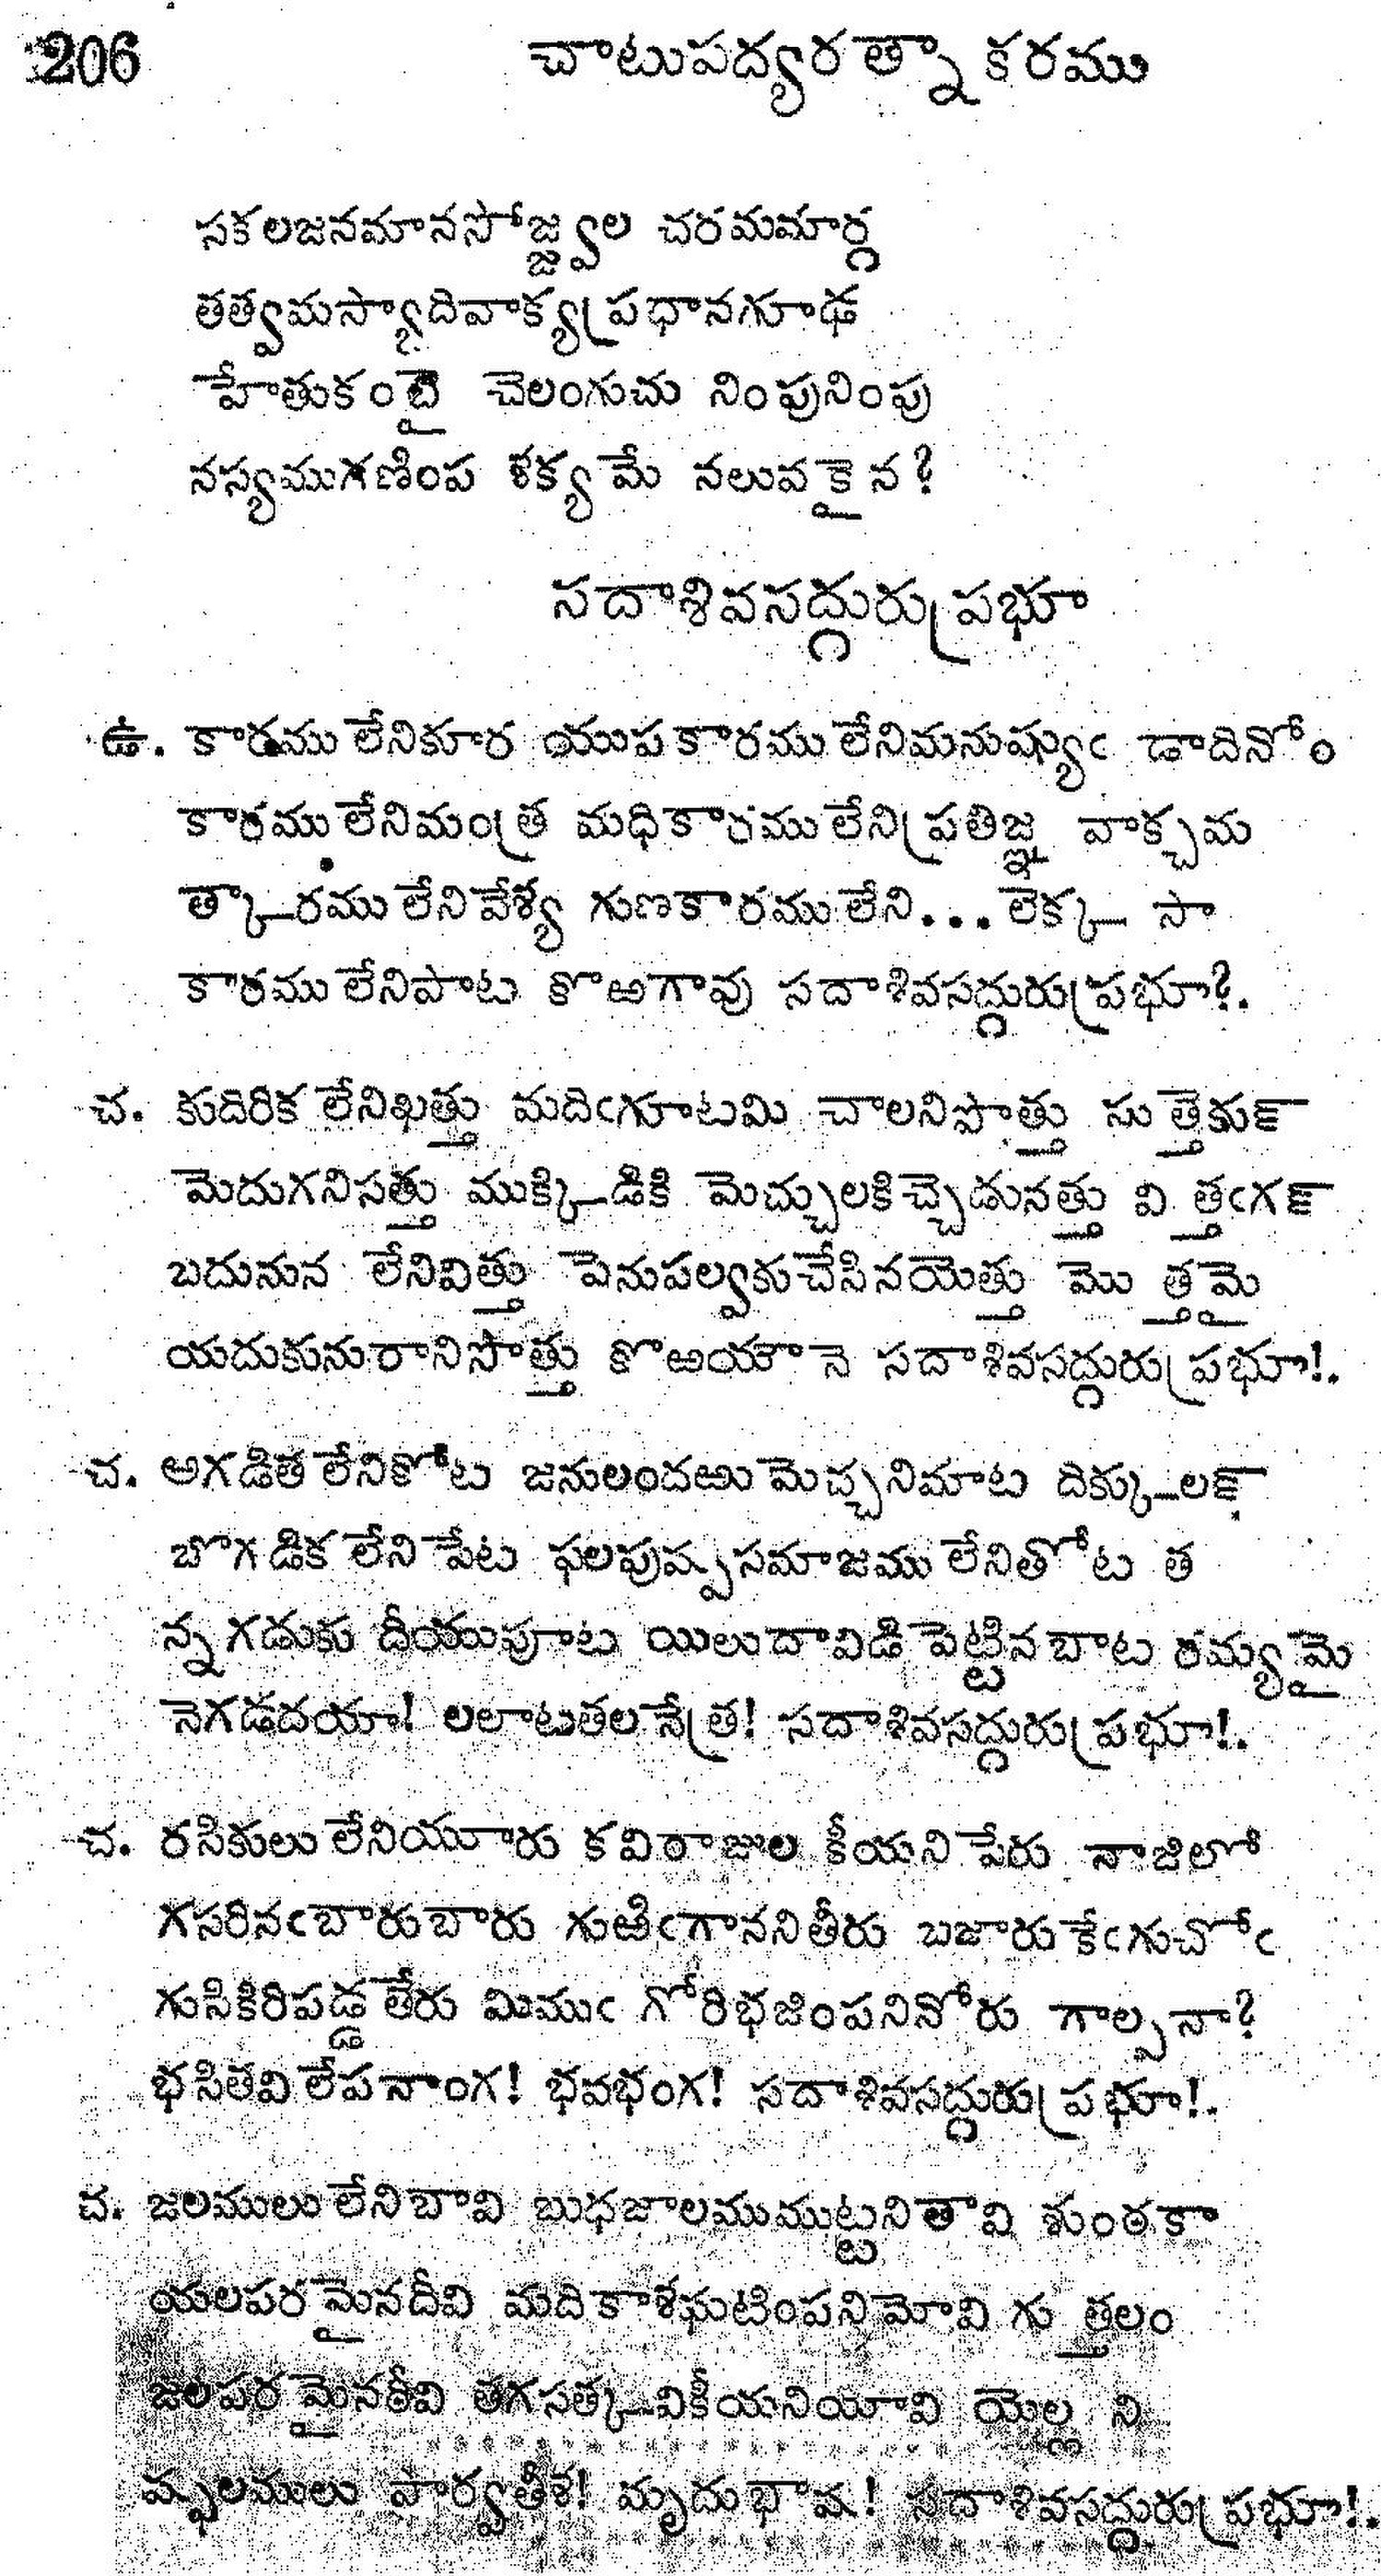సకలజనమానసోజ్జ్వలచరమమార్గ
 తత్వమస్యాదివాక్యప్రధానగూఢ
 హేతుకంబై చెలంగుచు నింపునింపు
 నస్యము గణింప శక్యమే నలువకైన?

ఉ. కారములేనికూర యుపకారములేనిమనుష్యుఁ డాదినోం
 కారములేనిమంత్ర మధికారములేనిప్రతిజ్ఞ వాక్చమ
 త్కారములేనివేశ్య గుణకారములేని.....లెక్క సా
 కారములేనిపాట కొఱగావు సదాశివసద్గురుప్రభూ!

చ. కుదిరికలేని ఖత్తు మదిఁగూటమి చాలనిపొత్తు సుత్తెకున్
 మెదుగనిసత్తు ముక్కిడికి మెచ్చులకిచ్చెడునత్తు విత్తఁగన్
 బదునున లేనివిత్తు పెనుపల్వకుచేసినయెత్తు మొత్తమై
 యదుకునురానిసొత్తు కొఱయౌనె సదాశివసద్గురుప్రభూ!

చ. అగడితలేనికోట జనులందఱుమెచ్చనిమాట దిక్కులన్
 బొగడికలేనిపేట ఫలపుష్పసమాజములేనితోట త
 న్నగడుకు దీయుపూట యిలుదావిడిపెట్టినబాట రమ్యమై
 నెగడదయా! లలాటతలనేత్ర! సదాశివసద్గురుప్రభూ!

చ. రసికులులేనియూరు కవిరాజులకీయనిపేరు నాజిలో
 గసరినఁబారుబారు గుఱిఁగాననితీరు బజారుకేఁగుచోఁ
 గుసికిరిపడ్డతేరు మిముఁ గోరిభజింపనినోరు గాల్పనా?
 భసితవిలేపనాంగ! భవభంగ! సదాశివసద్గురుప్రభూ!

చ. జలములులేనిబావి బుధజాలముముట్టనితావి శుంఠకా
 యలపరమైనదీవి మదికాశఘటింపనిమోవి గుత్తలం
 జలపరమైనఠీవి తగసత్కవికీయనియీవి యెల్ల ని
 ష్ఫలములు పార్వతీశ!మృదుభాష! సదాశివసద్గురుప్రభూ!